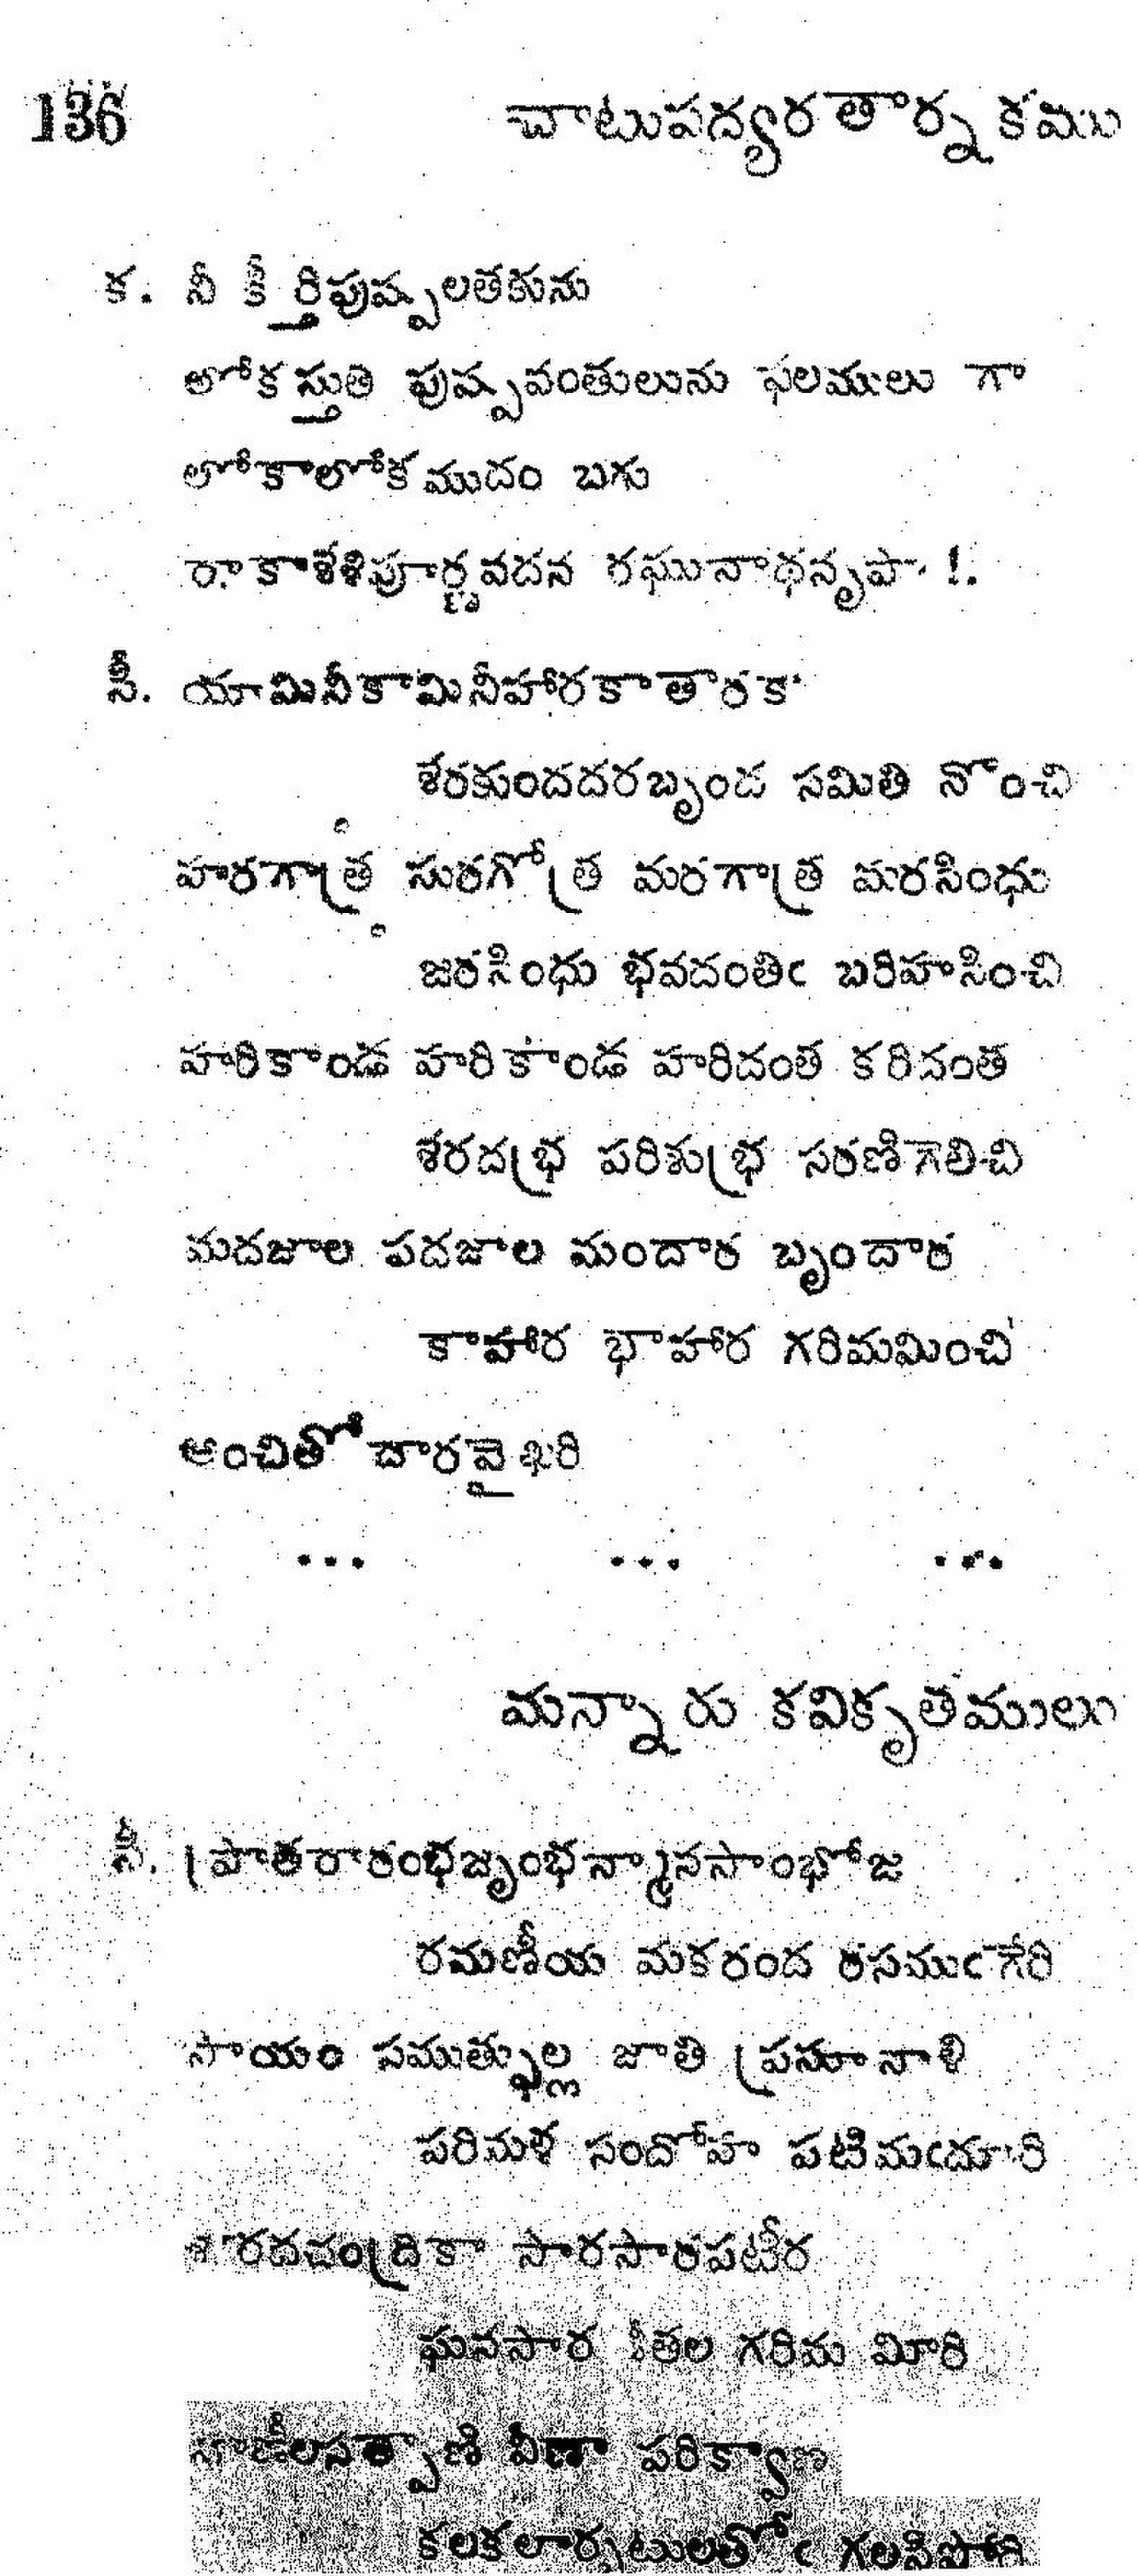క. నీ కీర్తిపుష్పలతకును
 లోకస్తుత పుష్పవంతులును ఫలములు గా
 లోకాలోకముదం బగు
 రాకాశశిపూర్ణవదన రఘునాథనృపా!

సీ. యామినీకామినీహారకాతారకా
 శరకుందదరబృందసమితి నొంచి
 హరగాత్ర సురగోత్ర మరగాత్ర మరసింధు
 జరసింధు భవదంతిఁ బరిహసించి
 హరికాండ హరికాండ హరిదంత కరిదంత
 శరదభ్ర పరిశుభ్ర సరణి గెలిచి
 మదజాల పదజాల మందార బృందార
 కాహార భాహార గరిమ మించి
 అంచితోదారవైఖరి.......................

మన్నారుకవికృతములు

సీ. ప్రాతరారంభజృంభన్మానసాంభోజ
 రమణీయమకరందరసముఁ గేరి
 సాయంసముత్ఫుల్లజాతిప్రసూనాళి
 పరిమళసందోహపటిమఁ దూరి
 శారదచంద్రికాసారసారపటీర
 ఘనసారశీతలగరిమ మీరి
 వాణీలసత్పాణివీణాపరిక్వాణ
 కలకలార్పటులతోఁ గలసి పోరి